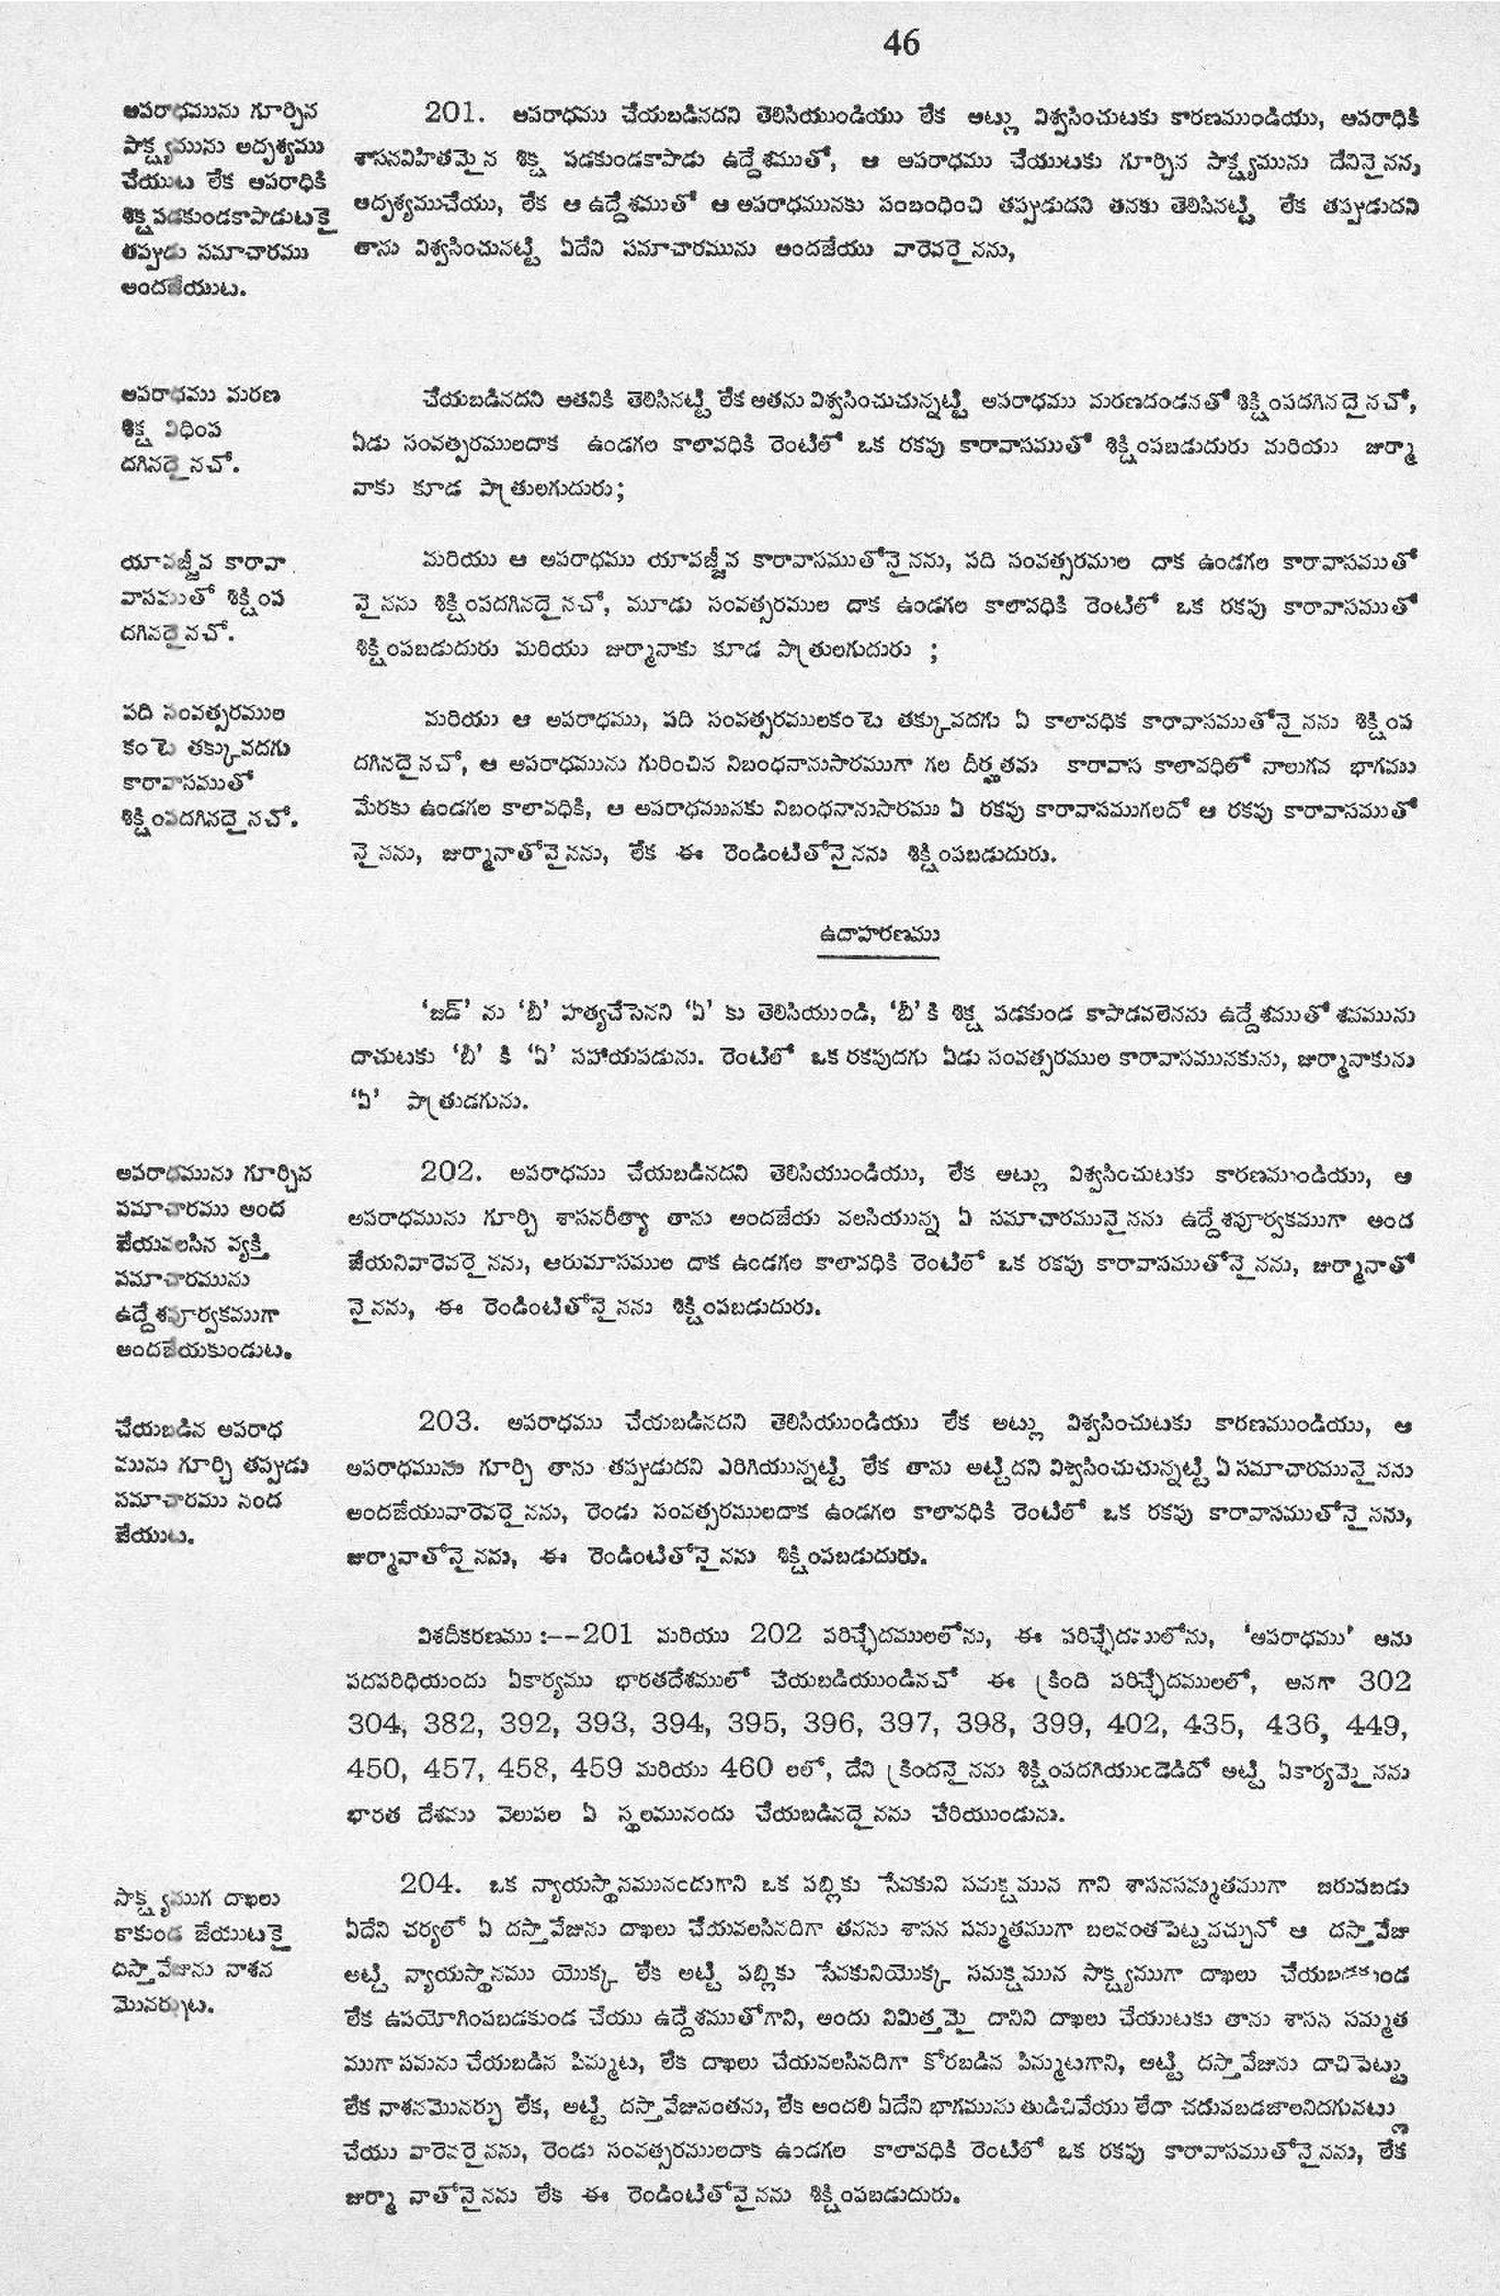అపరాధమును గూర్చిన సాక్ష్యమును అదృశ్యము చేయుట లేక అపరాధికి శిక్ష పడకుండ కాపాడుటకై తప్పుడు సమాచారము అందజేయుట.

201. అపరాధము చేయబడినదని తెలిసియుండియు లేక అట్లు విశ్వసించుటకు కారణముండియు, అపరాధికి
శాసనవిహితమైన శిష్ట పడకుండకాపాడు ఉద్దేశముతో, ఆ అపరాధము చేయుటకు గూర్చిన సాక్ష్యమును దేనినై నన్న
అదృశ్యముచేయు, లేక ఆ ఉద్దేశముతో ఆ ఆపరాధమునకు సంబంధించి తప్పుడుదని తనకు తెలిసినట్టి లేక తప్పుడు దని తాను విశ్వసించునట్టి ఏదేని సమాచారమును అందజేయు వారెవరైనను,

అపరాధము మరణశిక్ష విధింప దగినదైనచో.

చేయబడినదని అతనికి తెలిసినట్టి లేక అతను విశ్వసించుచున్నట్టి అపరాధము మరణదండనతో శిక్షింపదగిన దైనచో,
ఏడు సంవత్సరములదాక ఉండగల కాలావధికి రెంటిలో ఒక రకపు కారావాసముతో శిక్షింపబడుదురు మరియు జుర్మా
నాకు కూడ పాత్రులగుదురు;

యావజ్జీవ కారావావాసముతో శిక్షించ దగినదైనచో.

మరియు ఆ అపరాధము యావజ్జీవ కారావాసముతోనైనను, పది సంవత్సరముల దాక ఉండగల కారావాసముతోనైనను శిక్షింపదగినదైనచో, మూడు సంవత్సరముల దాక ఉండగల కాలావధికి రెంటిలో ఒక రకపు కారావాసముతో శిక్షింపబడుదురు మరియు జుర్మానాకు కూడ పాత్రులగుదురు;

పది సంవత్సరముల కంటే తక్కువదగు కారావాసముతో శిక్షింపదగినదైనచో.

మరియు ఆ అపరాధము, పది సంవత్సరములకంటే తక్కువదగు ఏ కాలావధిక కారావాసముతోనై నను శిక్షింపదగిన దైనచో, ఆ అపరాధమును గురించిన నిబంధనానుసారముగా గల దీర్ఘతను కారావాస కాలావధిలో నాలుగవ భాగము
మేరకు ఉండగల కాలావధికి, ఆ అపరాధమునకు నిబంధనానుసారము ఏ రకపు కారావాసముగలదో ఆ రకపు కారావాసముతో నైనను, జుర్మానాతోనైనను, లేక ఈ రెండింటితోనైనను శిక్షింపబడుదురు,

'జడ్' ను 'బి' హత్యచేసెనని 'ఏ' కు తెలిసియుండి, 'బి' కి శిక్ష పడకుండ కాపాడవలెనను ఉద్దేశముతో శవమును
దాచుటకు 'బి' కి 'ఏ' సహాయపడును. రెంటిలో ఒక రకపుదగు ఏడు సంవత్సరముల కారావాసమునకును, జుర్మానాకును 'ఏ' పాత్రుడగును.

అపరాధమును గూర్చిన సమాచారము అందజేయవలసిన వ్యక్తి సమాచారమును ఉద్దేశపూర్వకముగా అందజేయకుండుట.

202. అపరాధము చేయబడినదని తెలిసియుండియు, లేక అట్లు విశ్వసించుటకు కారణముండియు, ఆ అపరాధమును గూర్చి శాసనరీత్యా తాను అందజేయ వలసియున్న ఏ సమాచారమునైనను ఉద్దేశపూర్వకముగా అందజేయనివారెవరైనను, ఆరుమాసముల దాక ఉండగల కాలావధికి రెంటిలో ఒక రకపు కారావాసముతో నైనను, జుర్మానాతో నైనను, ఈ రెండింటితోనైనను శిక్షింపబడుదురు.

చేయబడిన ఆపరాధమును గూర్చి తప్పుడు సమాచారము నందజేయుట,

203. అపరాధము చేయబడినదని తెలిసియుండియు లేక అట్లు విశ్వసించుటకు కారణముండియు, ఆ అపరాధమును గూర్చి తాను తప్పుడుదని ఎరిగియున్నట్టి లేక తాను అట్టిదని విశ్వసించుచున్నట్టి ఏ సమాచారమునైనను అందజేయు వారెవరైనను, రెండు సంవత్సరములదాక ఉండగల కాలావధికి రెంటిలో ఒక రకపు కారావాసముతోనైనను, జుర్మానా తోనైనను, ఈ రెండింటితోనైనను శిక్షింపబడుదురు.

విశదీకరణము :--201 మరియు 202 పరిచ్ఛేదములలోను, ఈ పరిచ్ఛేదములోను, 'అపరాధము' ఆను పదపరిధియందు ఏకార్యము భారతదేశములో చేయబడియుండినచో ఈ క్రింది పరిచ్ఛేదములలో, అనగా 302, 304, 382, 392, 393, 394, 395, 396, 397, 398, 399, 402, 435, 436, 449, 450, 457, 458, 459 మరియు 460 లలో, దేని క్రిందనైనను శిక్షింపదగియుండెడిదో అట్టి ఏకార్యమైనను భారత దేశము వెలుపల ఏ స్థలమునందు చేయబడినదైనను చేరియుండును.

సాక్ష్యముగ దాఖలు కాకుండ జేయుటకై దస్తావేజును నాశన మొనర్చుట.

204. ఒక న్యాయస్థానమునందుగాని ఒక పబ్లికు సేవకుని సమక్షమున గాని శాసనసమ్మతముగా జరుపబడు ఏదేని చర్యలో ఏ దస్తావేజును దాఖలు చేయవలసినదిగా తనను శాసన సమ్మతముగా బలవంత పెట్టవచ్చునో ఆ దస్తావేజు అట్టి న్యాయస్థానము యొక్క లేక అట్టి పబ్లికు సేవకుని యొక్క సమక్ష మున సాక్ష్యముగా దాఖలు చేయబడకుండ లేక ఉపయోగింపబడకుండ చేయు ఉద్దేశముతోగాని, అందు నిమిత్తమై దానిని దాఖలు చేయుటకు తాను శాసస సమ్మతముగా సమను చేయబడిన పిమ్మట, లేక దాఖలు చేయవలసినదిగా కోరబడిన పిమ్మటగాని, అట్టి దస్తావేజును దాచి పెట్టు
లేక నాశనమొనర్చు లేక, అట్టి దస్తావేజునంతను, లేక అందలి ఏదేని భాగమును తుడిచివేయు లేదా చదువబడ జాలనిదగునట్లు చేయు వారెవరైనను, రెండు సంవత్సరములదాక ఉండగల కాలావధికి రెంటిలో ఒక రకపు కారావాసముతోనైనను, లేక జుర్మానాతోనైనను లేక ఈ రెండింటితోనైనను శిక్షింపబడుదురు.